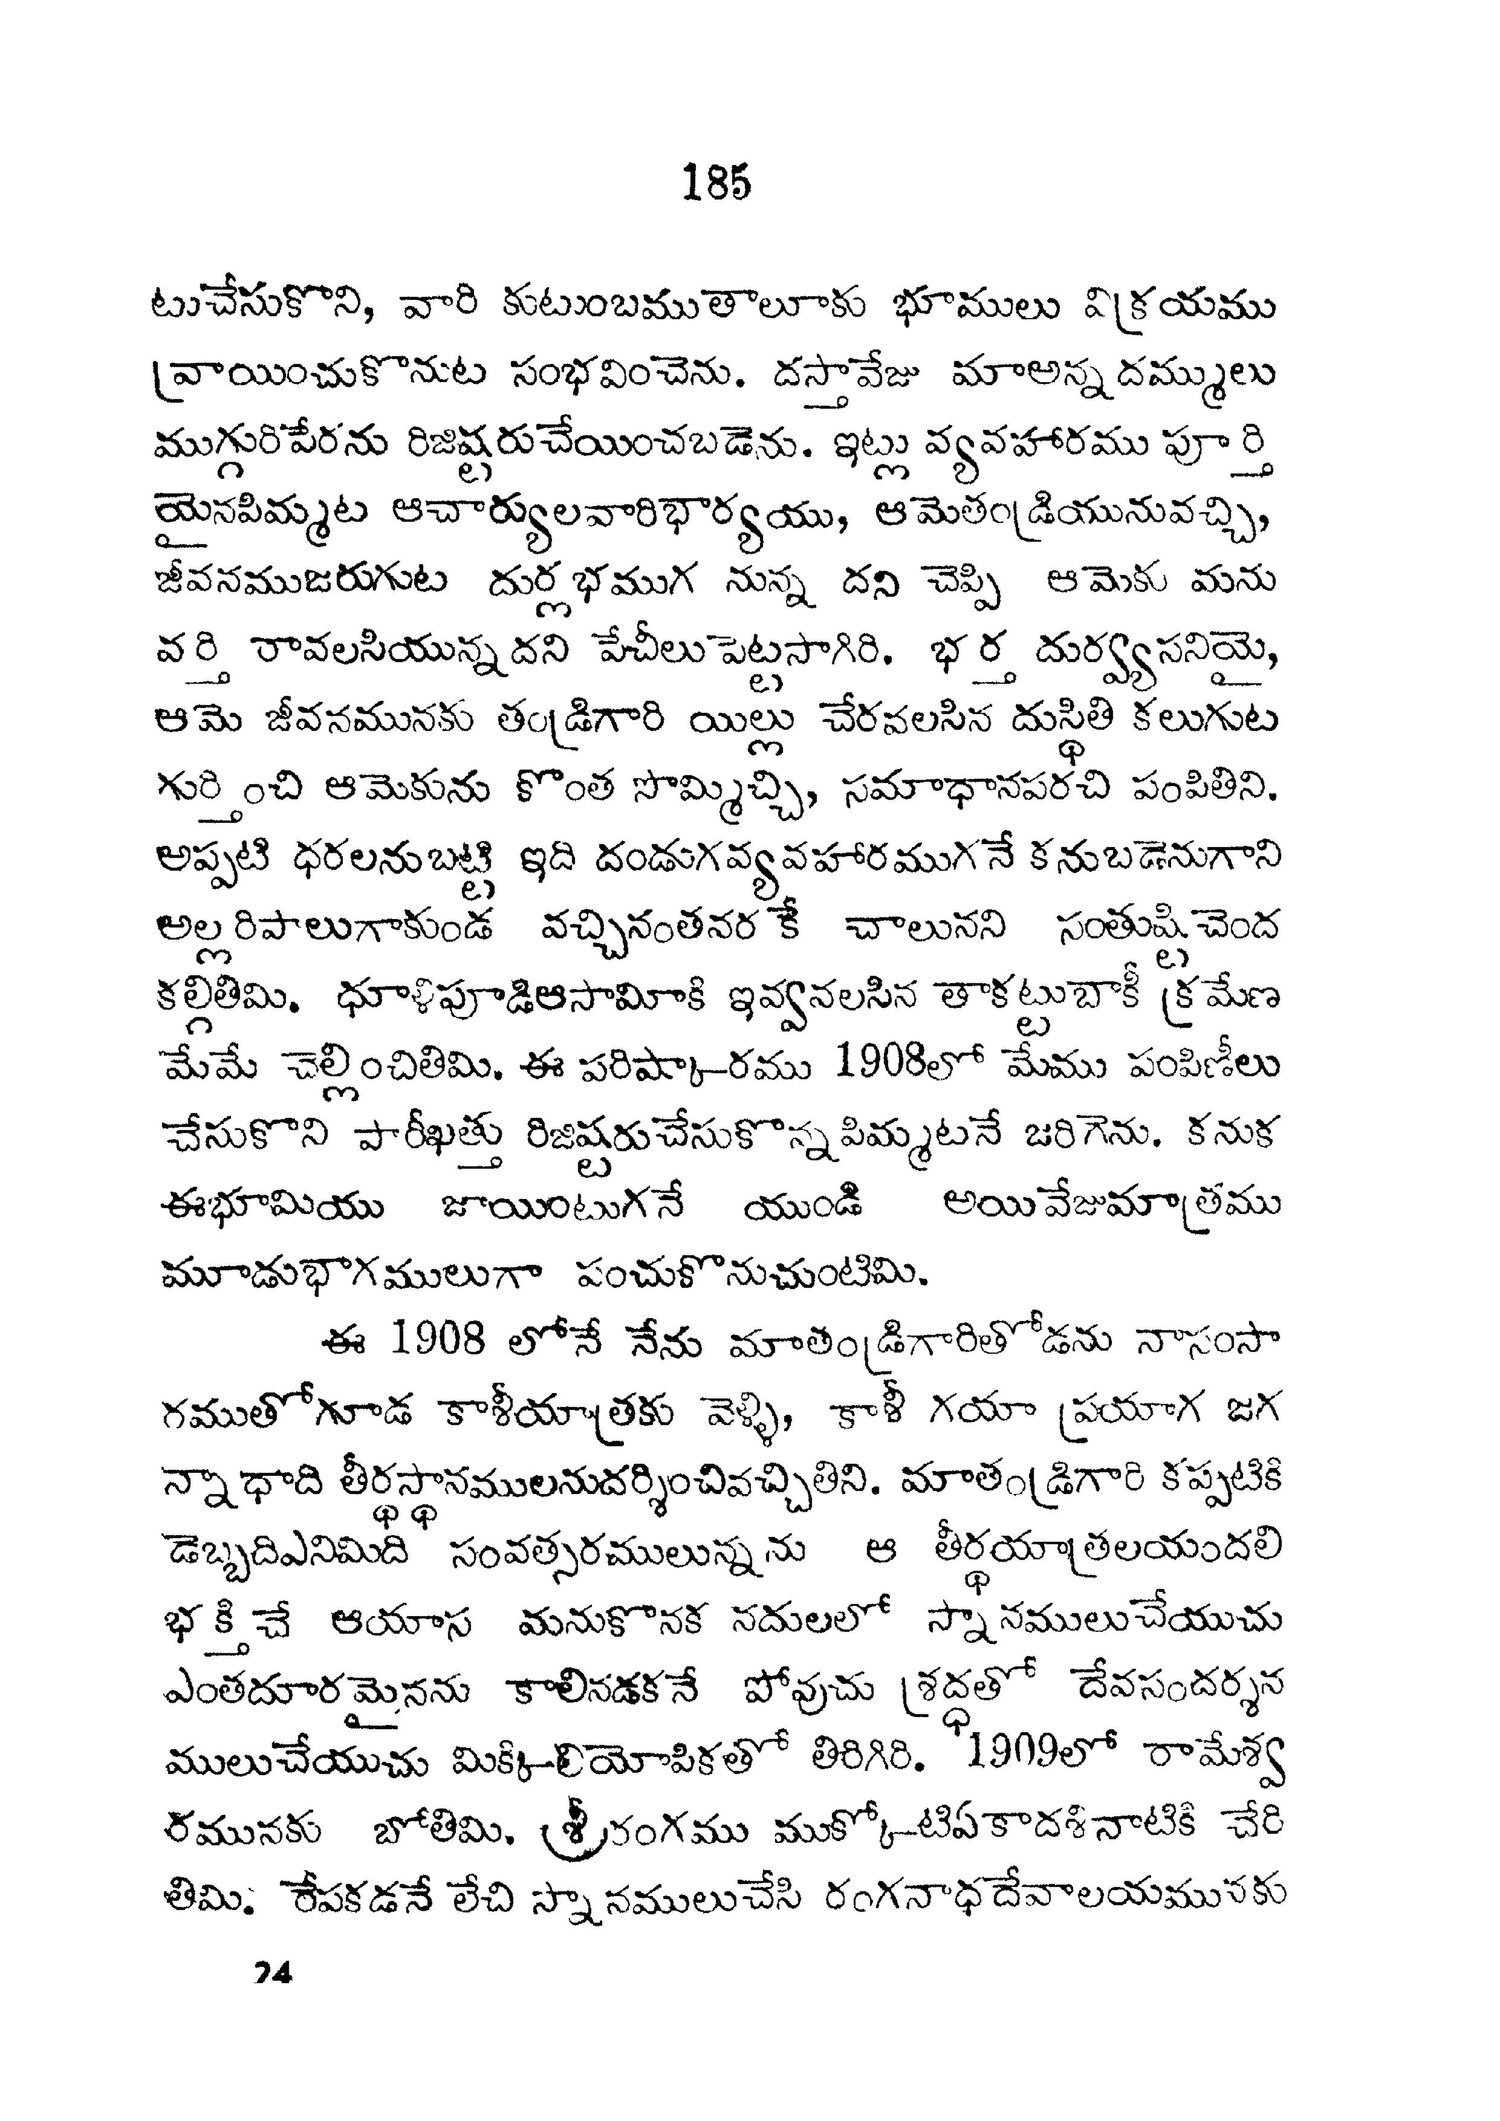టుచేసుకొని, వారి కుటుంబముతాలూకు భూములు విక్రయము వ్రాయించుకొనుట సంభవించెను. దస్తావేజు మాఅన్నదమ్ములు ముగ్గురిపేరను రిజిష్టరుచేయించబడెను. ఇట్లు వ్యవహారము పూర్తియైనపిమ్మట ఆచార్యులవారిభార్యయు, ఆమెతండ్రియునువచ్చి, జీవనముజరుగుట దుర్లభముగ నున్నదని చెప్పి ఆమెకు మనువర్తి రావలసియున్నదని పేచీలుపెట్టసాగిరి. భర్త దుర్వ్యసనియై, ఆమె జీవనమునకు తండ్రిగారి యిల్లు చేరవలసిన దుస్థితి కలుగుట గుర్తించి ఆమెకును కొంత సొమ్మిచ్చి, సమాధానపరచి పంపితిని. అప్పటి ధరలనుబట్టి ఇది దండుగవ్యవహారముగనే కనుబడెనుగాని అల్లరిపాలుగాకుండ వచ్చినంతవరకే చాలునని సంతుష్టిచెంద కల్గితిమి. ధూళిపూడిఆసామీకి ఇవ్వవలసిన తాకట్టుబాకీ క్రమేణ మేమే చెల్లించితిమి. ఈ పరిష్కారము 1908లో మేము పంపిణీలు చేసుకొని పారీఖత్తు రిజిష్టరుచేసుకొన్నపిమ్మటనే జరిగెను. కనుక ఈభూమియు జాయింటుగనే యుండి అయివేజుమాత్రము మూడుభాగములుగా పంచుకొనుచుంటిమి.

ఈ 1908 లోనే నేను మాతండ్రిగారితోడను నాసంసారముతోగూడ కాశీయాత్రకు వెళ్ళి, కాశీ గయా ప్రయాగ జగన్నాధాది తీర్థస్థానములనుదర్శించివచ్చితిని. మాతండ్రిగారి కప్పటికి డెబ్బదిఎనిమిది సంవత్సరములున్నను ఆ తీర్థయాత్రలయందలి భక్తిచే ఆయాస మనుకొనక నదులలో స్నానములుచేయుచు ఎంతదూరమైనను కాలినడకనే పోవుచు శ్రద్ధతో దేవసందర్శనములుచేయుచు మిక్కిలియోపికతో తిరిగిరి. 1909లో రామేశ్వరమునకు బోతిమి. శ్రీరంగము ముక్కోటిఏకాదశినాటికి చేరితిమి. రేపకడనే చేచి స్నానములుచేసి రంగనాధదేవాలయమునకు